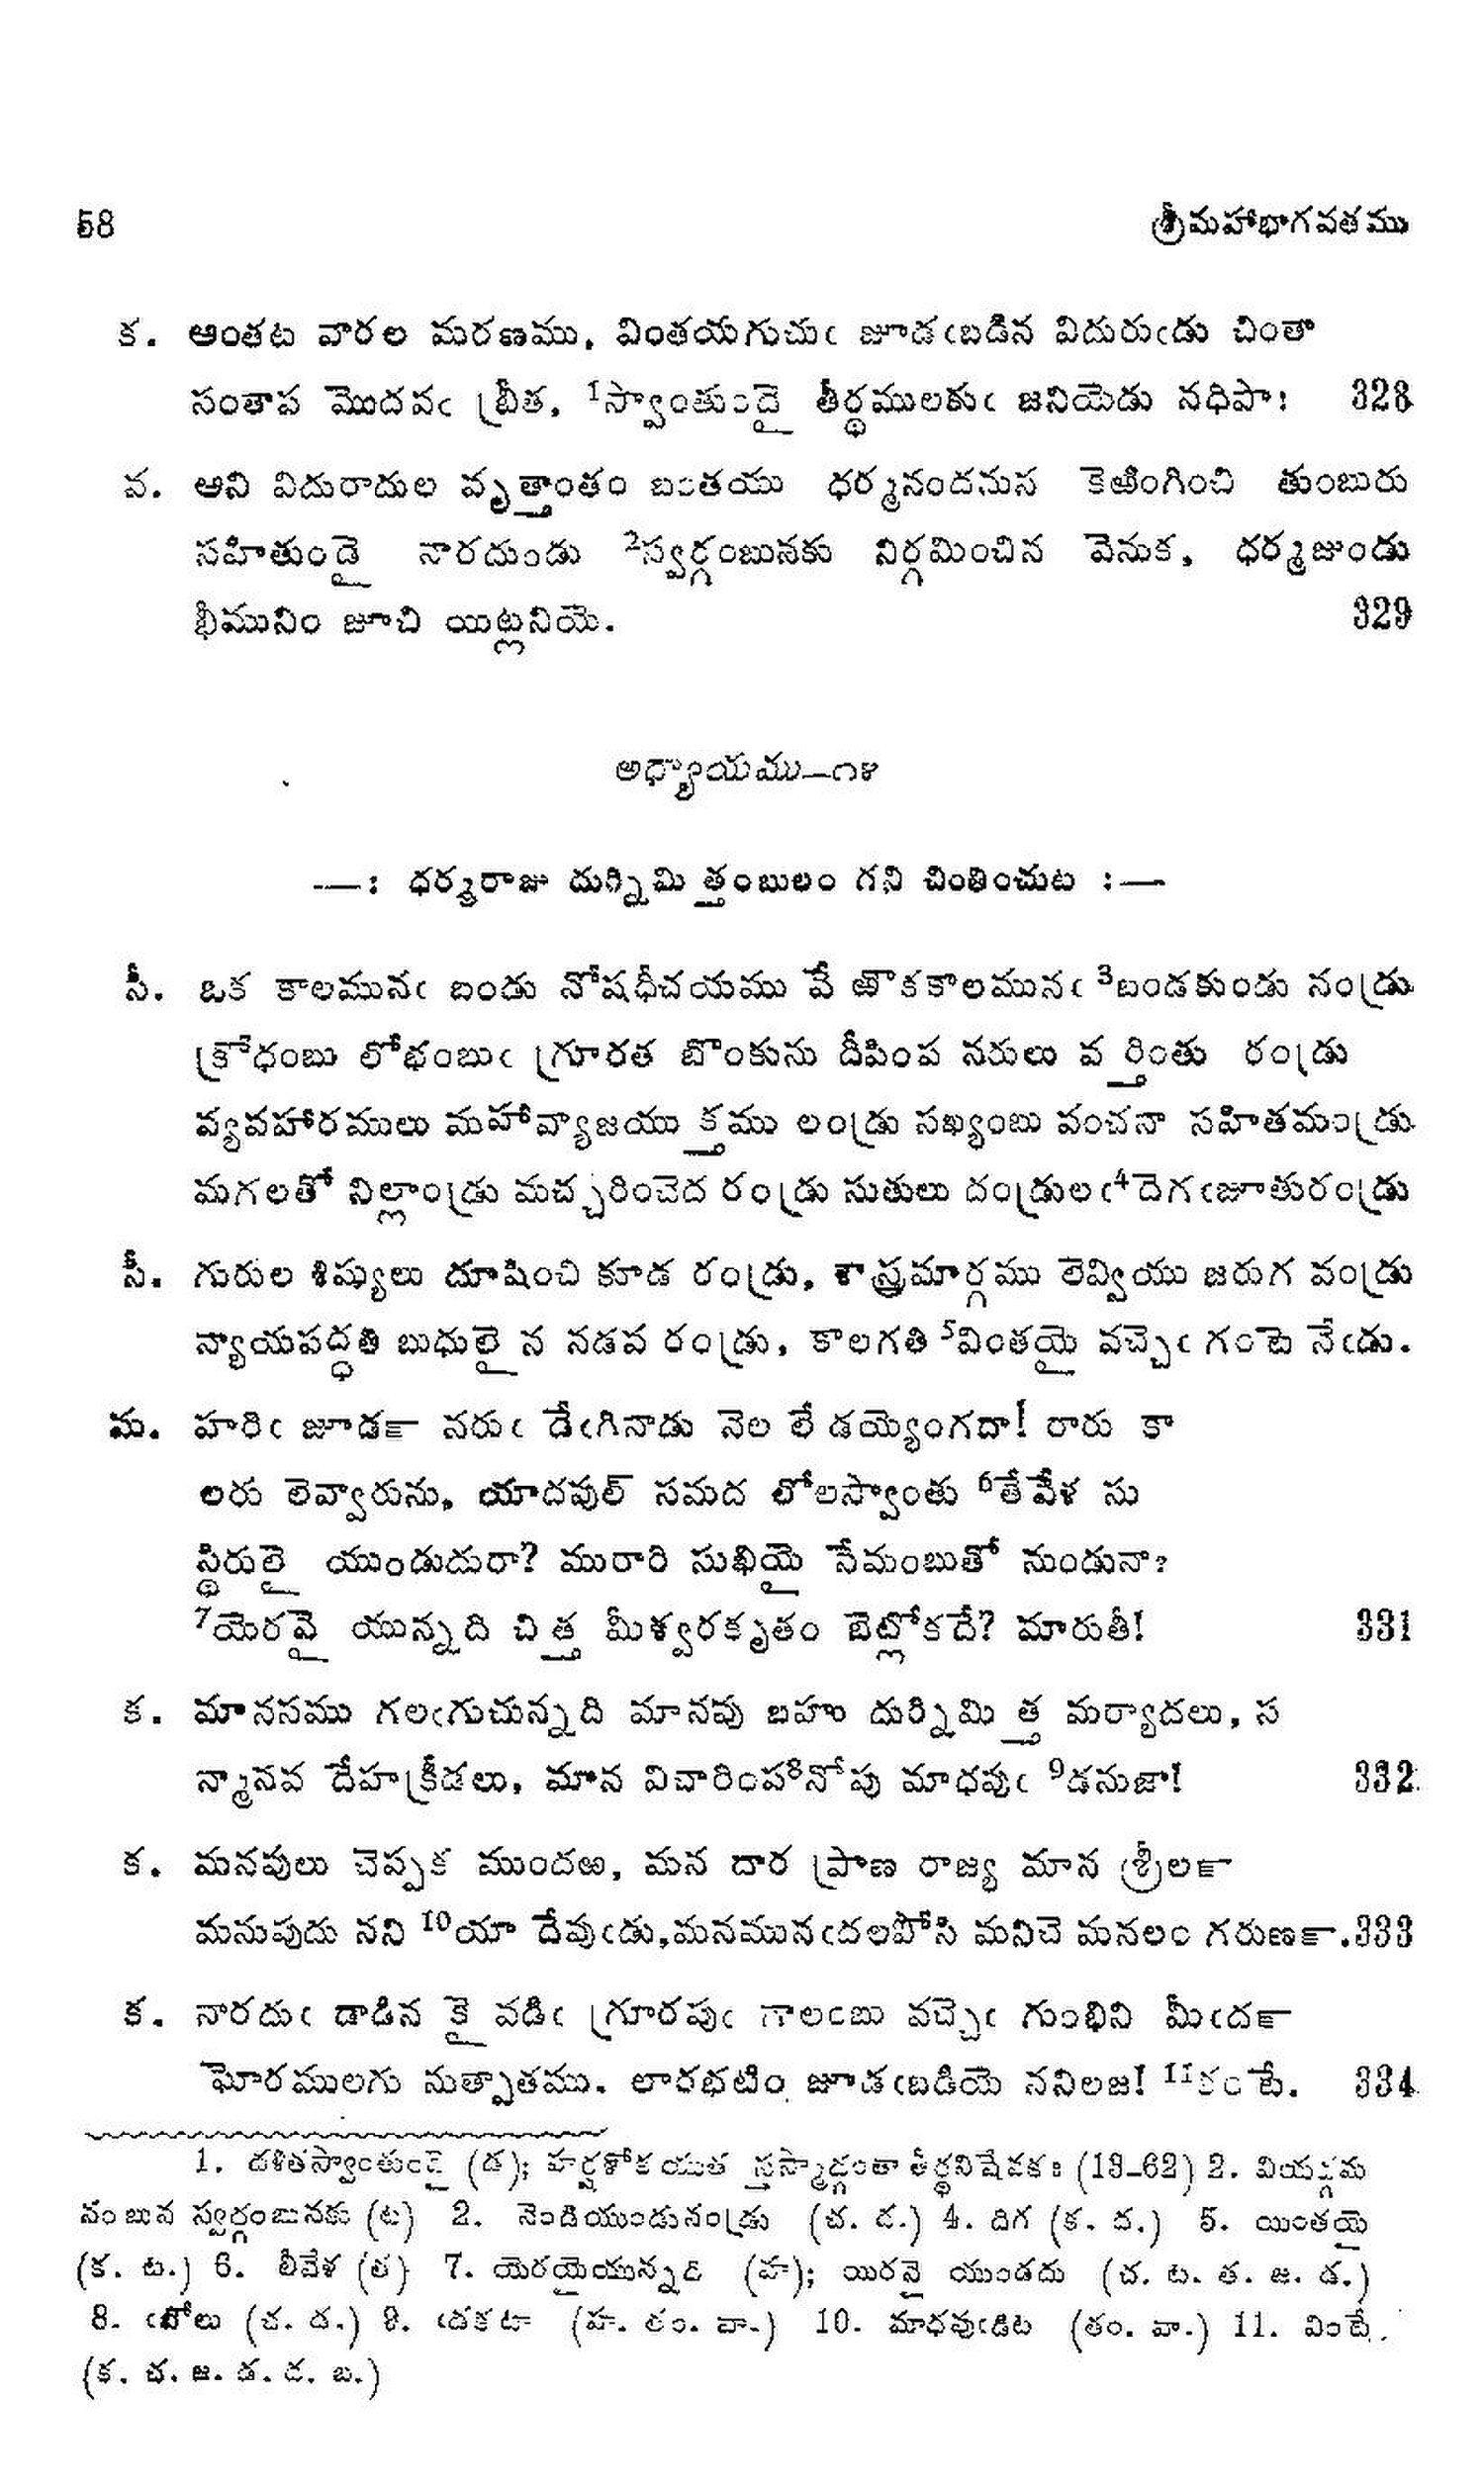58

క. అంతట వారల మరణము, వింతయగుచుఁ జూడఁబడిన విడురుఁడు చింతా

సంతాప మొదవఁ బ్రీత, స్వాంతుడై తీర్థములకుఁ జనియెడు నధిపా ! (1-328)

వ. అని విదురాదుల వృత్తాంతం బంతయు ధర్మనందనున కెఱింగించి తుంబురు సహితుండై నారదుండు స్వర్గంబునకు నిర్గమించిన వెనుక, ధర్మజుండు, భీమునిం జూచి యిట్లనియె. (1-329)

సీ. ఒక కాలమునఁ బండు నోషధీచయము వే ఱొకకాలమునఁ బండకుండ నండ్రు

క్రోధంబు లోబంబుఁ గ్రూరత బొంకును దీపింప నరుల వర్తింతు రండ్రు

వ్యహహారములు మహావ్యాజయుక్తము లండ్రు సఖ్యంబు వంచనా సహితమండ్రు

మగలతో నిల్లాండ్రు మచ్చరించెద రండ్రు సుతులు దండ్రులఁ దెగఁజూతురండ్రు

తే. గురుల శిష్యులు దూషించి కూడ రండ్రు, శాస్త్రమార్గము లెవ్వియు జరుగ వండ్రు

న్యాయపద్ధతి బుధులై వడవ రండ్రు, కాలగతి వింతయై వచ్చెఁ గంటె నేడె. (1-330)

మ. హరిఁ జూడన్ నరుఁ డేఁగినాడు నెల లే డయ్యంగదా ! రారు కా

లరు లెవ్వారును, యాదవుల్ సమద లోలస్వాంతు లేవేళ సు

స్థిరులై యుండుదురా ? మురారి సుఖియై సేమంబుతో నుండునా ?

యెరవై యన్నది చిత్త మీశ్వరకృతం బెట్లోకదే ? మారుతి ! (1-331) 

క. మానసము గలఁగుచున్నది మానవు బహు దుర్నిమిత్త మర్యాదలు, స 

న్మానవ దేహక్రీడలు, మాన విచారింప నోపు మాధవుఁ డనుజా ! (1-332) 

క. మనవులు చెప్పక ముందఱ, మన దార ప్రాణ రాజ్య మాన శ్రీలన్

మనుపుదు నని యాదేవుఁడు, మనమునఁదలపోసి మనిచె మనలం గరుణన్. (1-333)

క. నారదుఁ డాడిన కైవడిఁ, గ్రూరపుఁ గాలంబు వచ్చెఁ గుంభిని మీఁదన్

ఘోరములగు నుత్పాతము, లారభటిం జూడఁబడియె ననిలజ కంటే. (1-334)